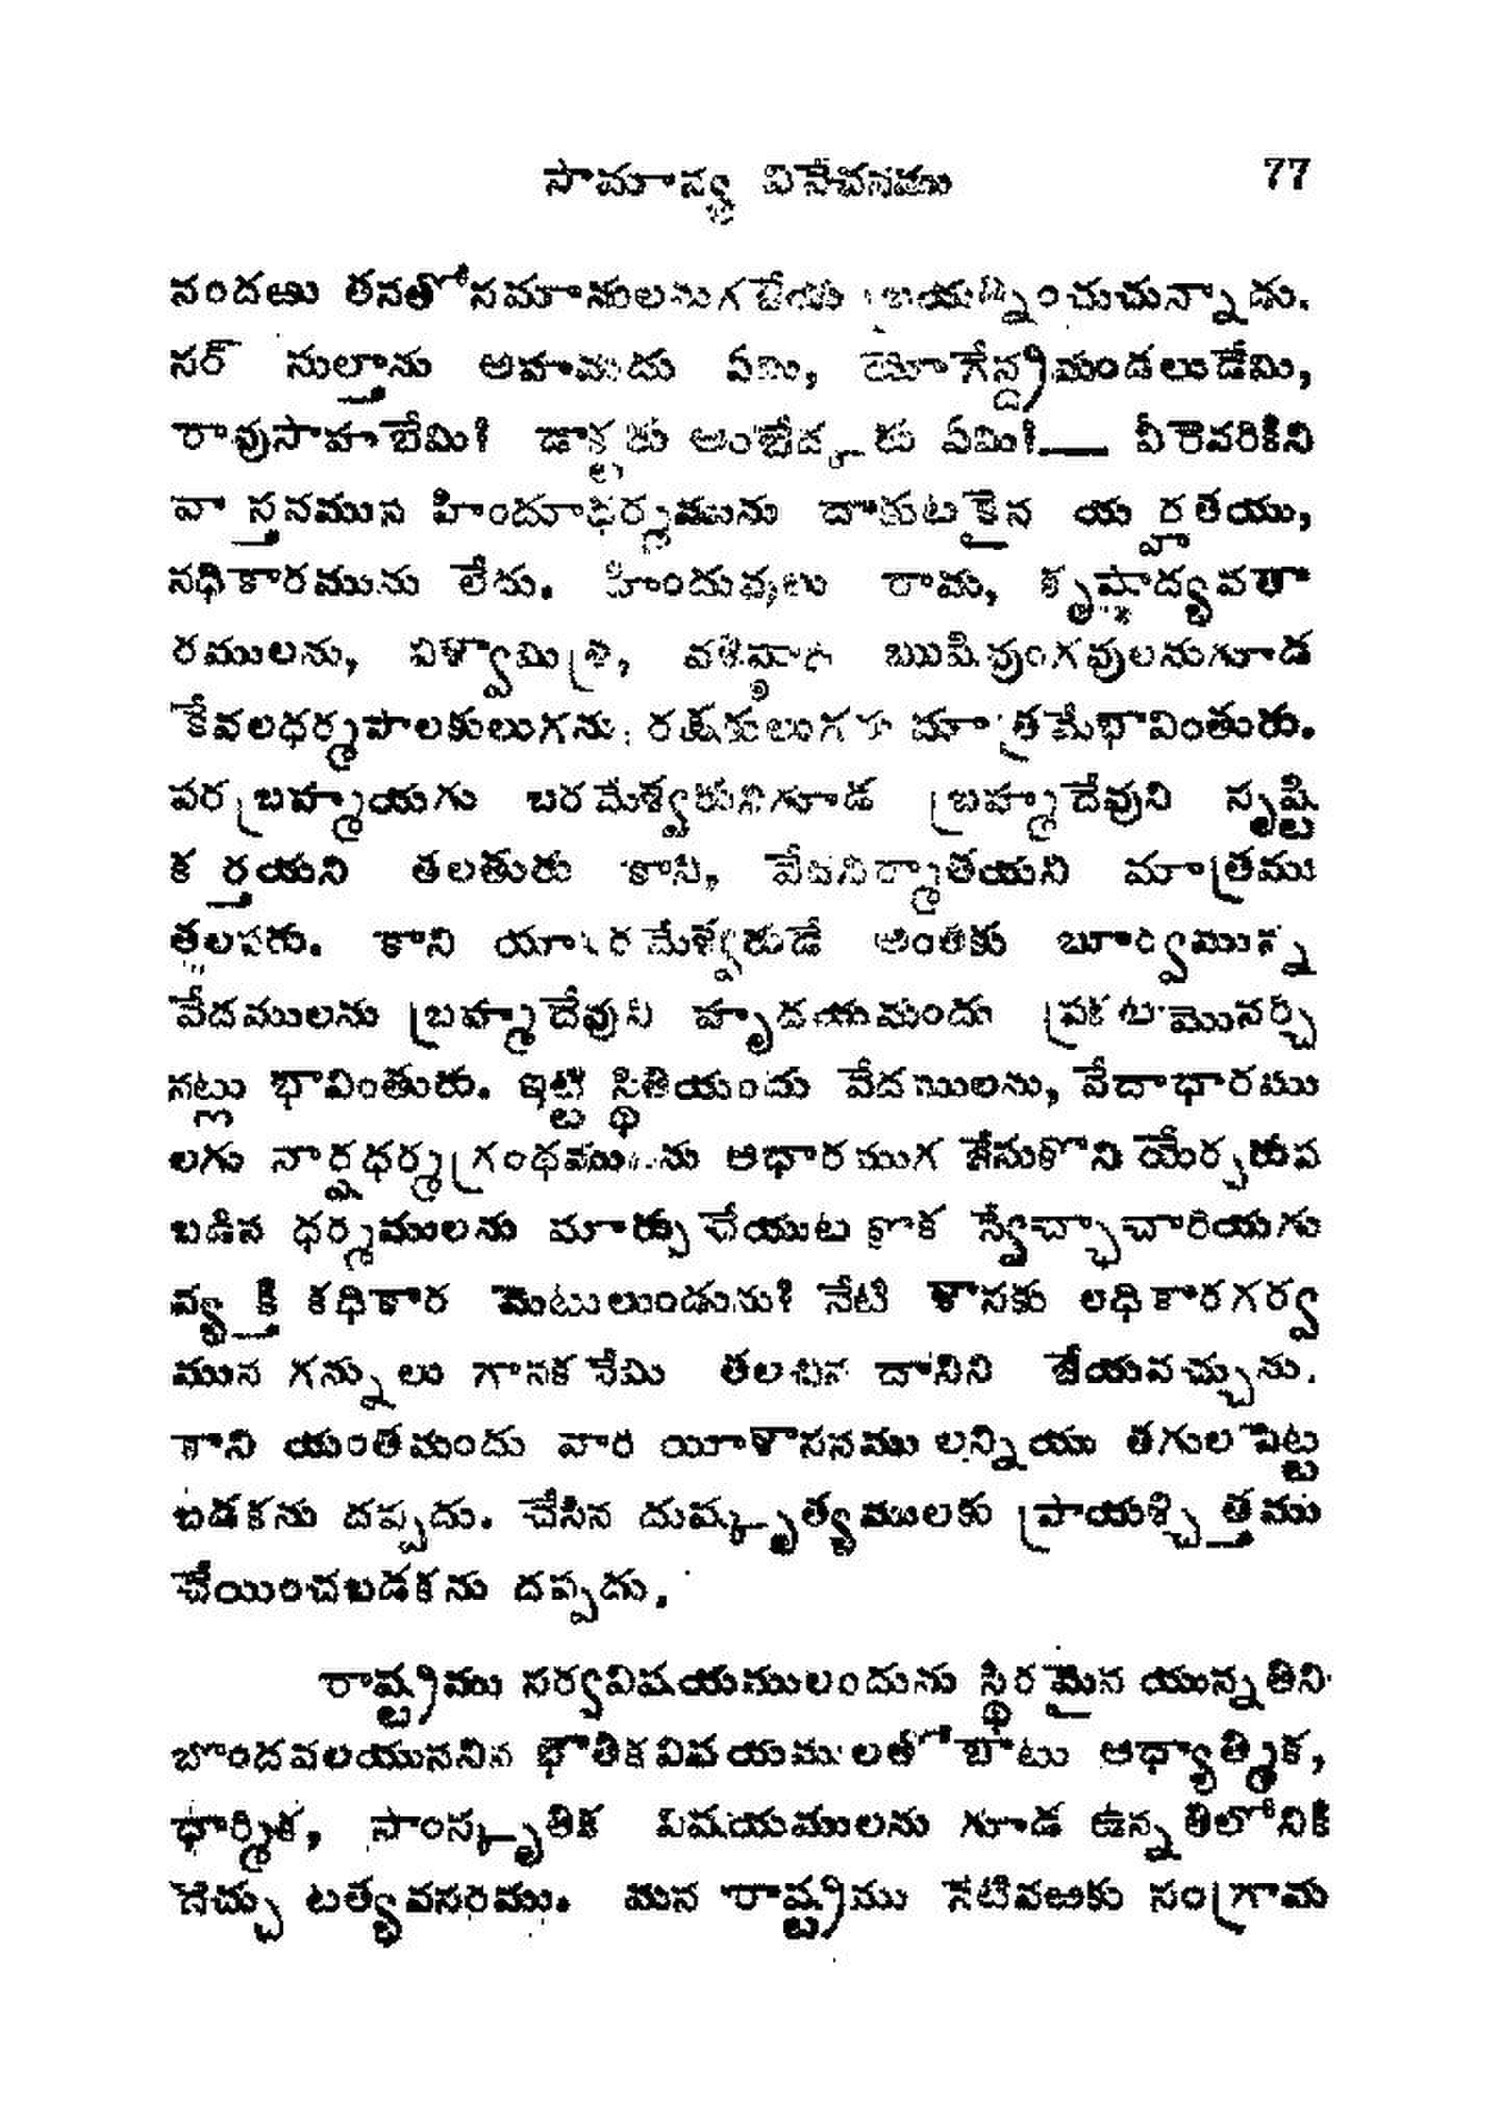నందఱు తనతో సమానులనుగజేయు బ్రయత్నించుచున్నాడు.
సర్ సుల్తాను అహముదు ఏమి , యోగేన్ద్రమండలుడేమి,
రావుసాహబేమి? డాక్టరు అంబేద్కరు ఏమి? - వీరెవరికిని
వాస్తవముస హిందూధర్మమును దాకుటకైన యర్హతయు,
నధికారమును లేదు. హిందువులు రామ, కృష్ణాద్యవతారములను, 
విశ్వామిత్ర, వశిష్ఠాది ఋషి పుంగవులనుగూడ
కేవలధర్మపాలకులుగను, రక్షకులుగను మాత్రమే భావింతురు.
పరబ్రహ్మయగు బరమేశ్వరుని గూడ బ్రహ్మదేవుని సృష్టి
కర్తయని తలతురు కానీ, వేద నిర్మాతయని మాత్రము
తలపరు. కాని యాపరమేశ్వరుడే అంతకు బూర్వమున్న
వేదములను బ్రహ్మదేవుని హృదయమందు ప్రకటమొనర్చి
నట్లు భావింతురు. ఇట్టి స్థితియందు వేదములను, వేదాధారము
లగు నార్షధర్మగ్రంథములను ఆధారముగ జేసుకొని యేర్చరుప 
బడిన ధర్మములను మార్పు చేయుట కొక స్వేచ్ఛాచారియగు
వ్యక్తి కధికార మెటులుండును? నేటి శాసకు లధికారగర్వమున 
గన్నులు గానక నేమి తలచిన దానిని జేయవచ్చును.
కాని యంతమందు వారి యీశాససము లన్నియు తగులపెట్ట
బడకను దప్పదు. చేసిన దుష్కృత్యములకు ప్రాయశ్చిత్తము
చేయించబడకను దప్పదు. 

రాష్ట్రము సర్వవిషయములందును స్థిరమైన యున్నతిని
బొందవలయుననిన భౌతికవిషయములతో బాటు ఆధ్యాత్మిక,
ధార్మిక, సాంస్కృతిక విషయములను గూడ ఉన్నతిలోనికి
దెచ్చు టత్యవసరము. మన రాష్ట్రము నేటివఱకు సంగ్రామ